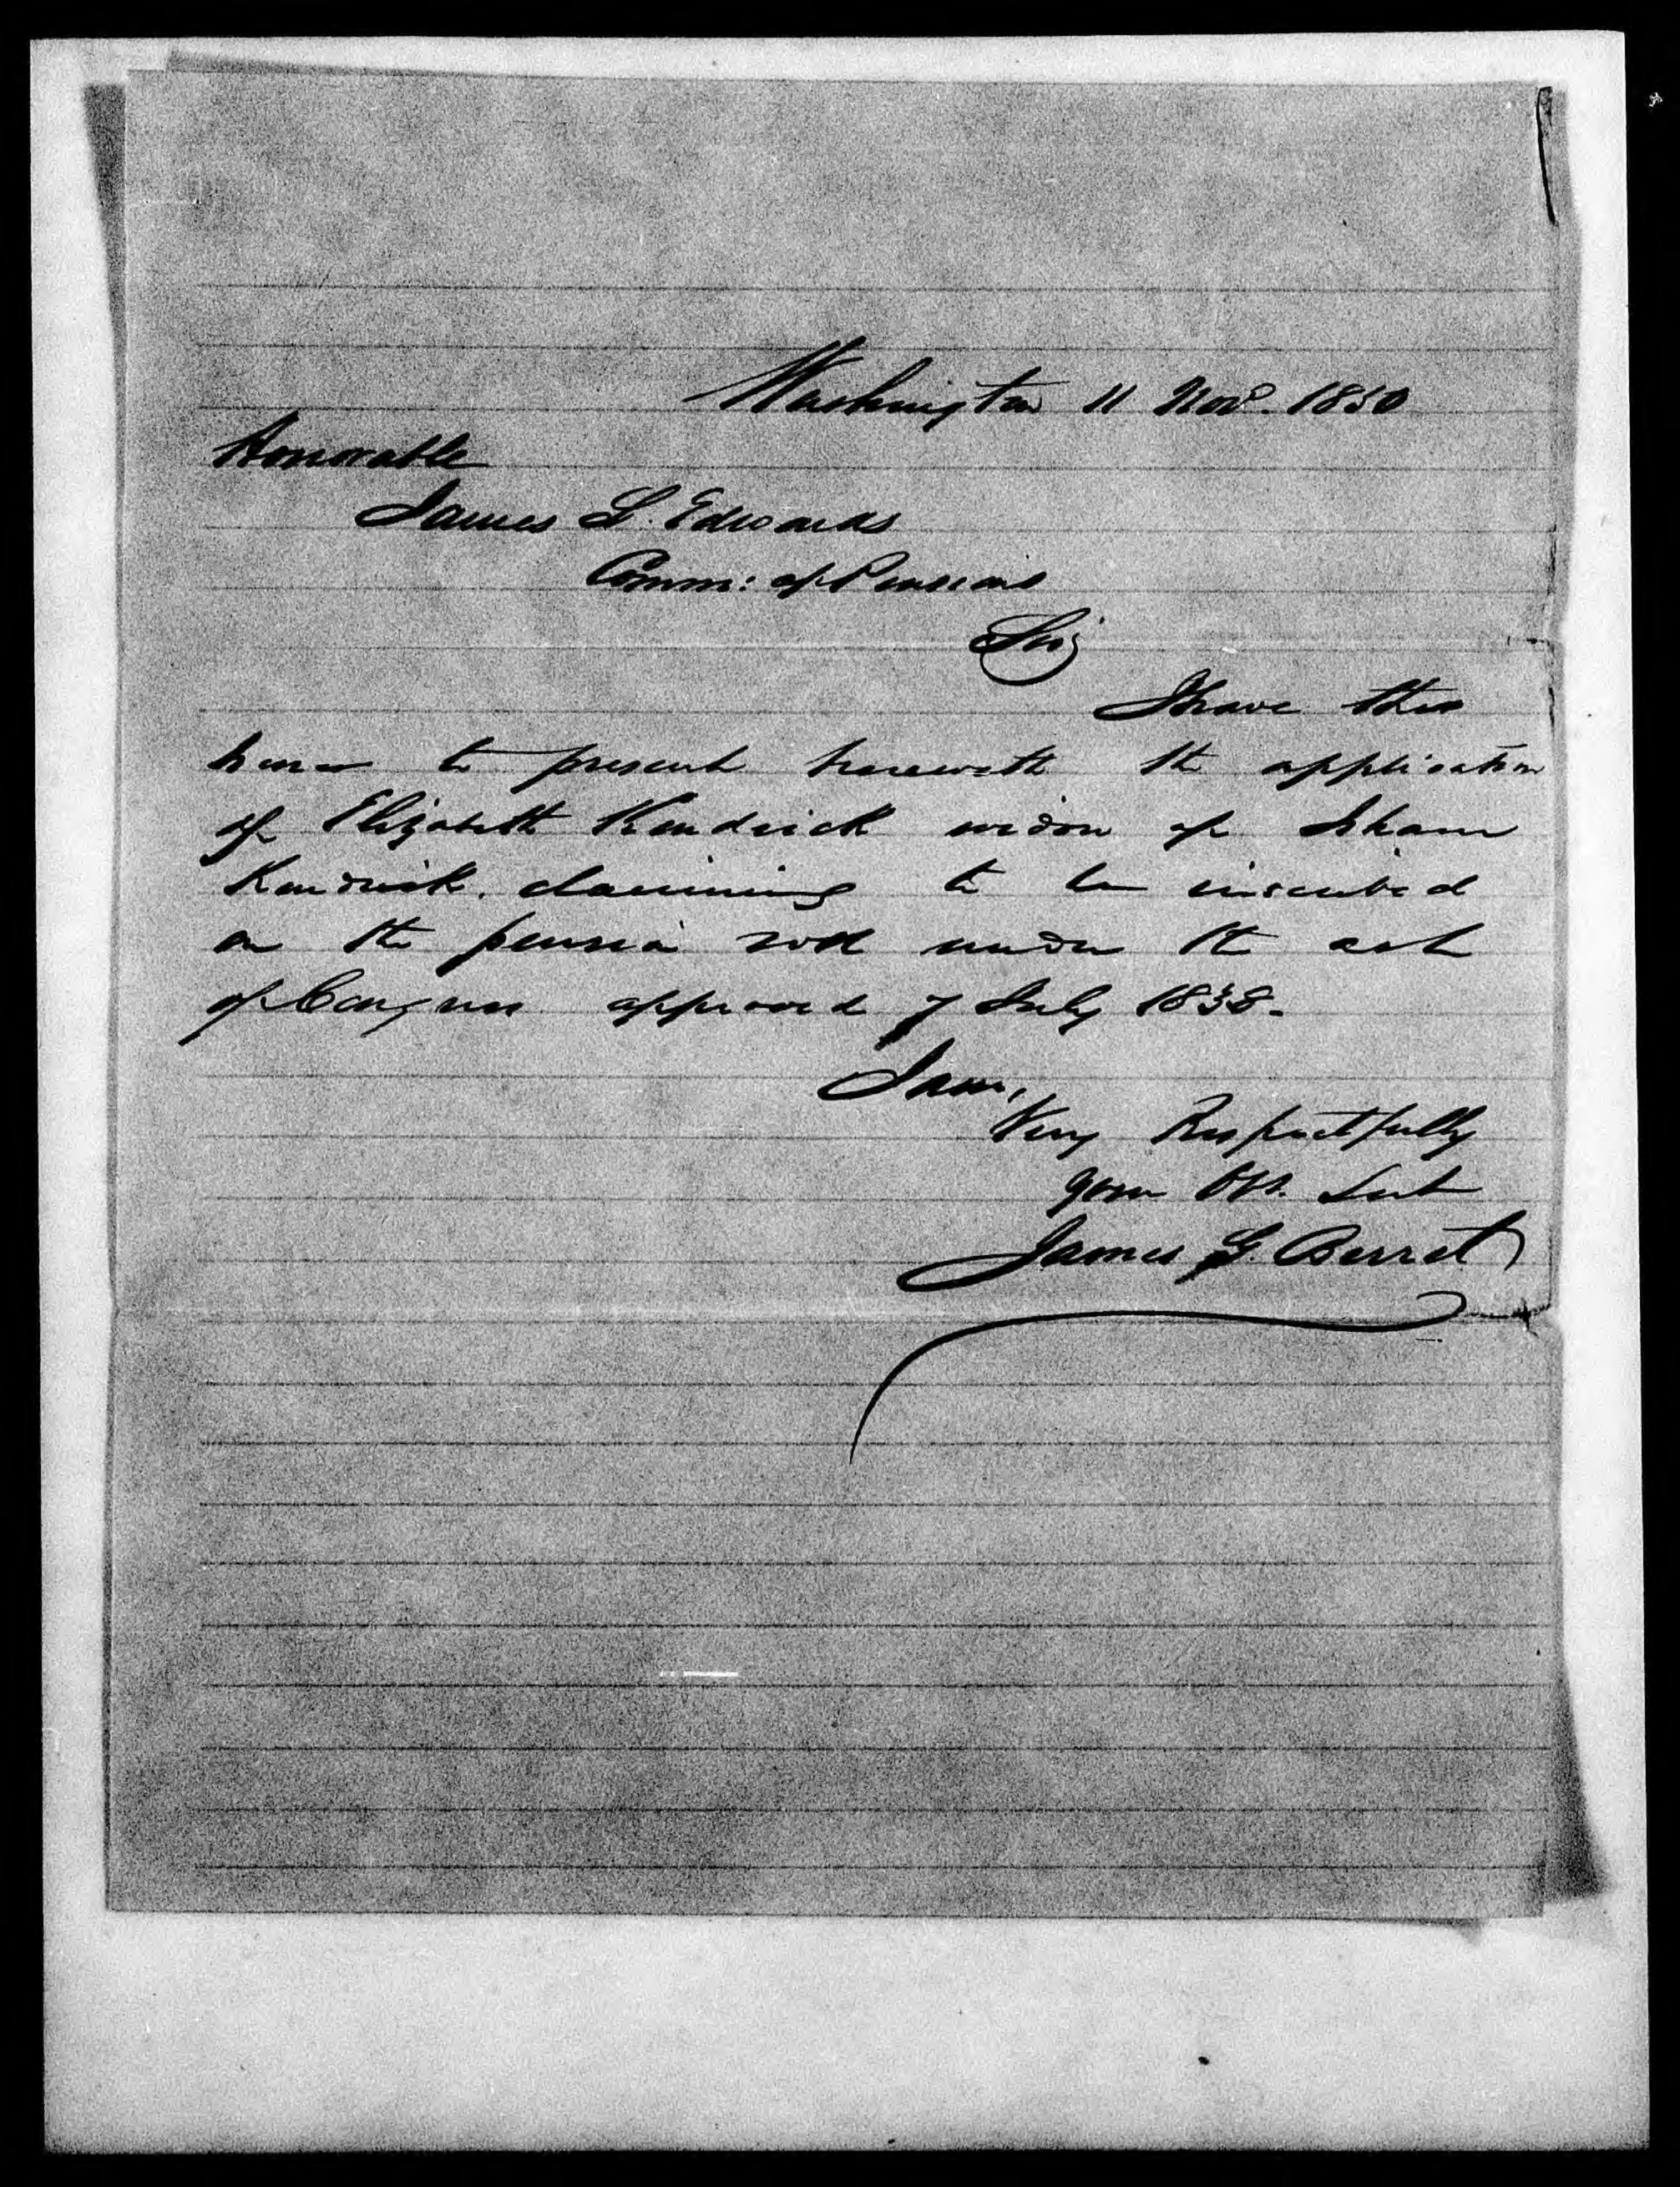Washington  11 Nov. 1850

Honorable 
James L. Edwards
Comm. of Pensions

Sir,

I have the 
honor to present herewith the application 
of Elizabeth Kendrick widow of Isham 
Kendrick claiming to be inscribed 
on the pension roll under the act
of Congress approved 7 July 1838.

I am, 
Very Respectfully
your obt. servt.
James G. Berret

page: 16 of 29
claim: rejected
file: R. 5862, for Isham Kendrick, North Carolina